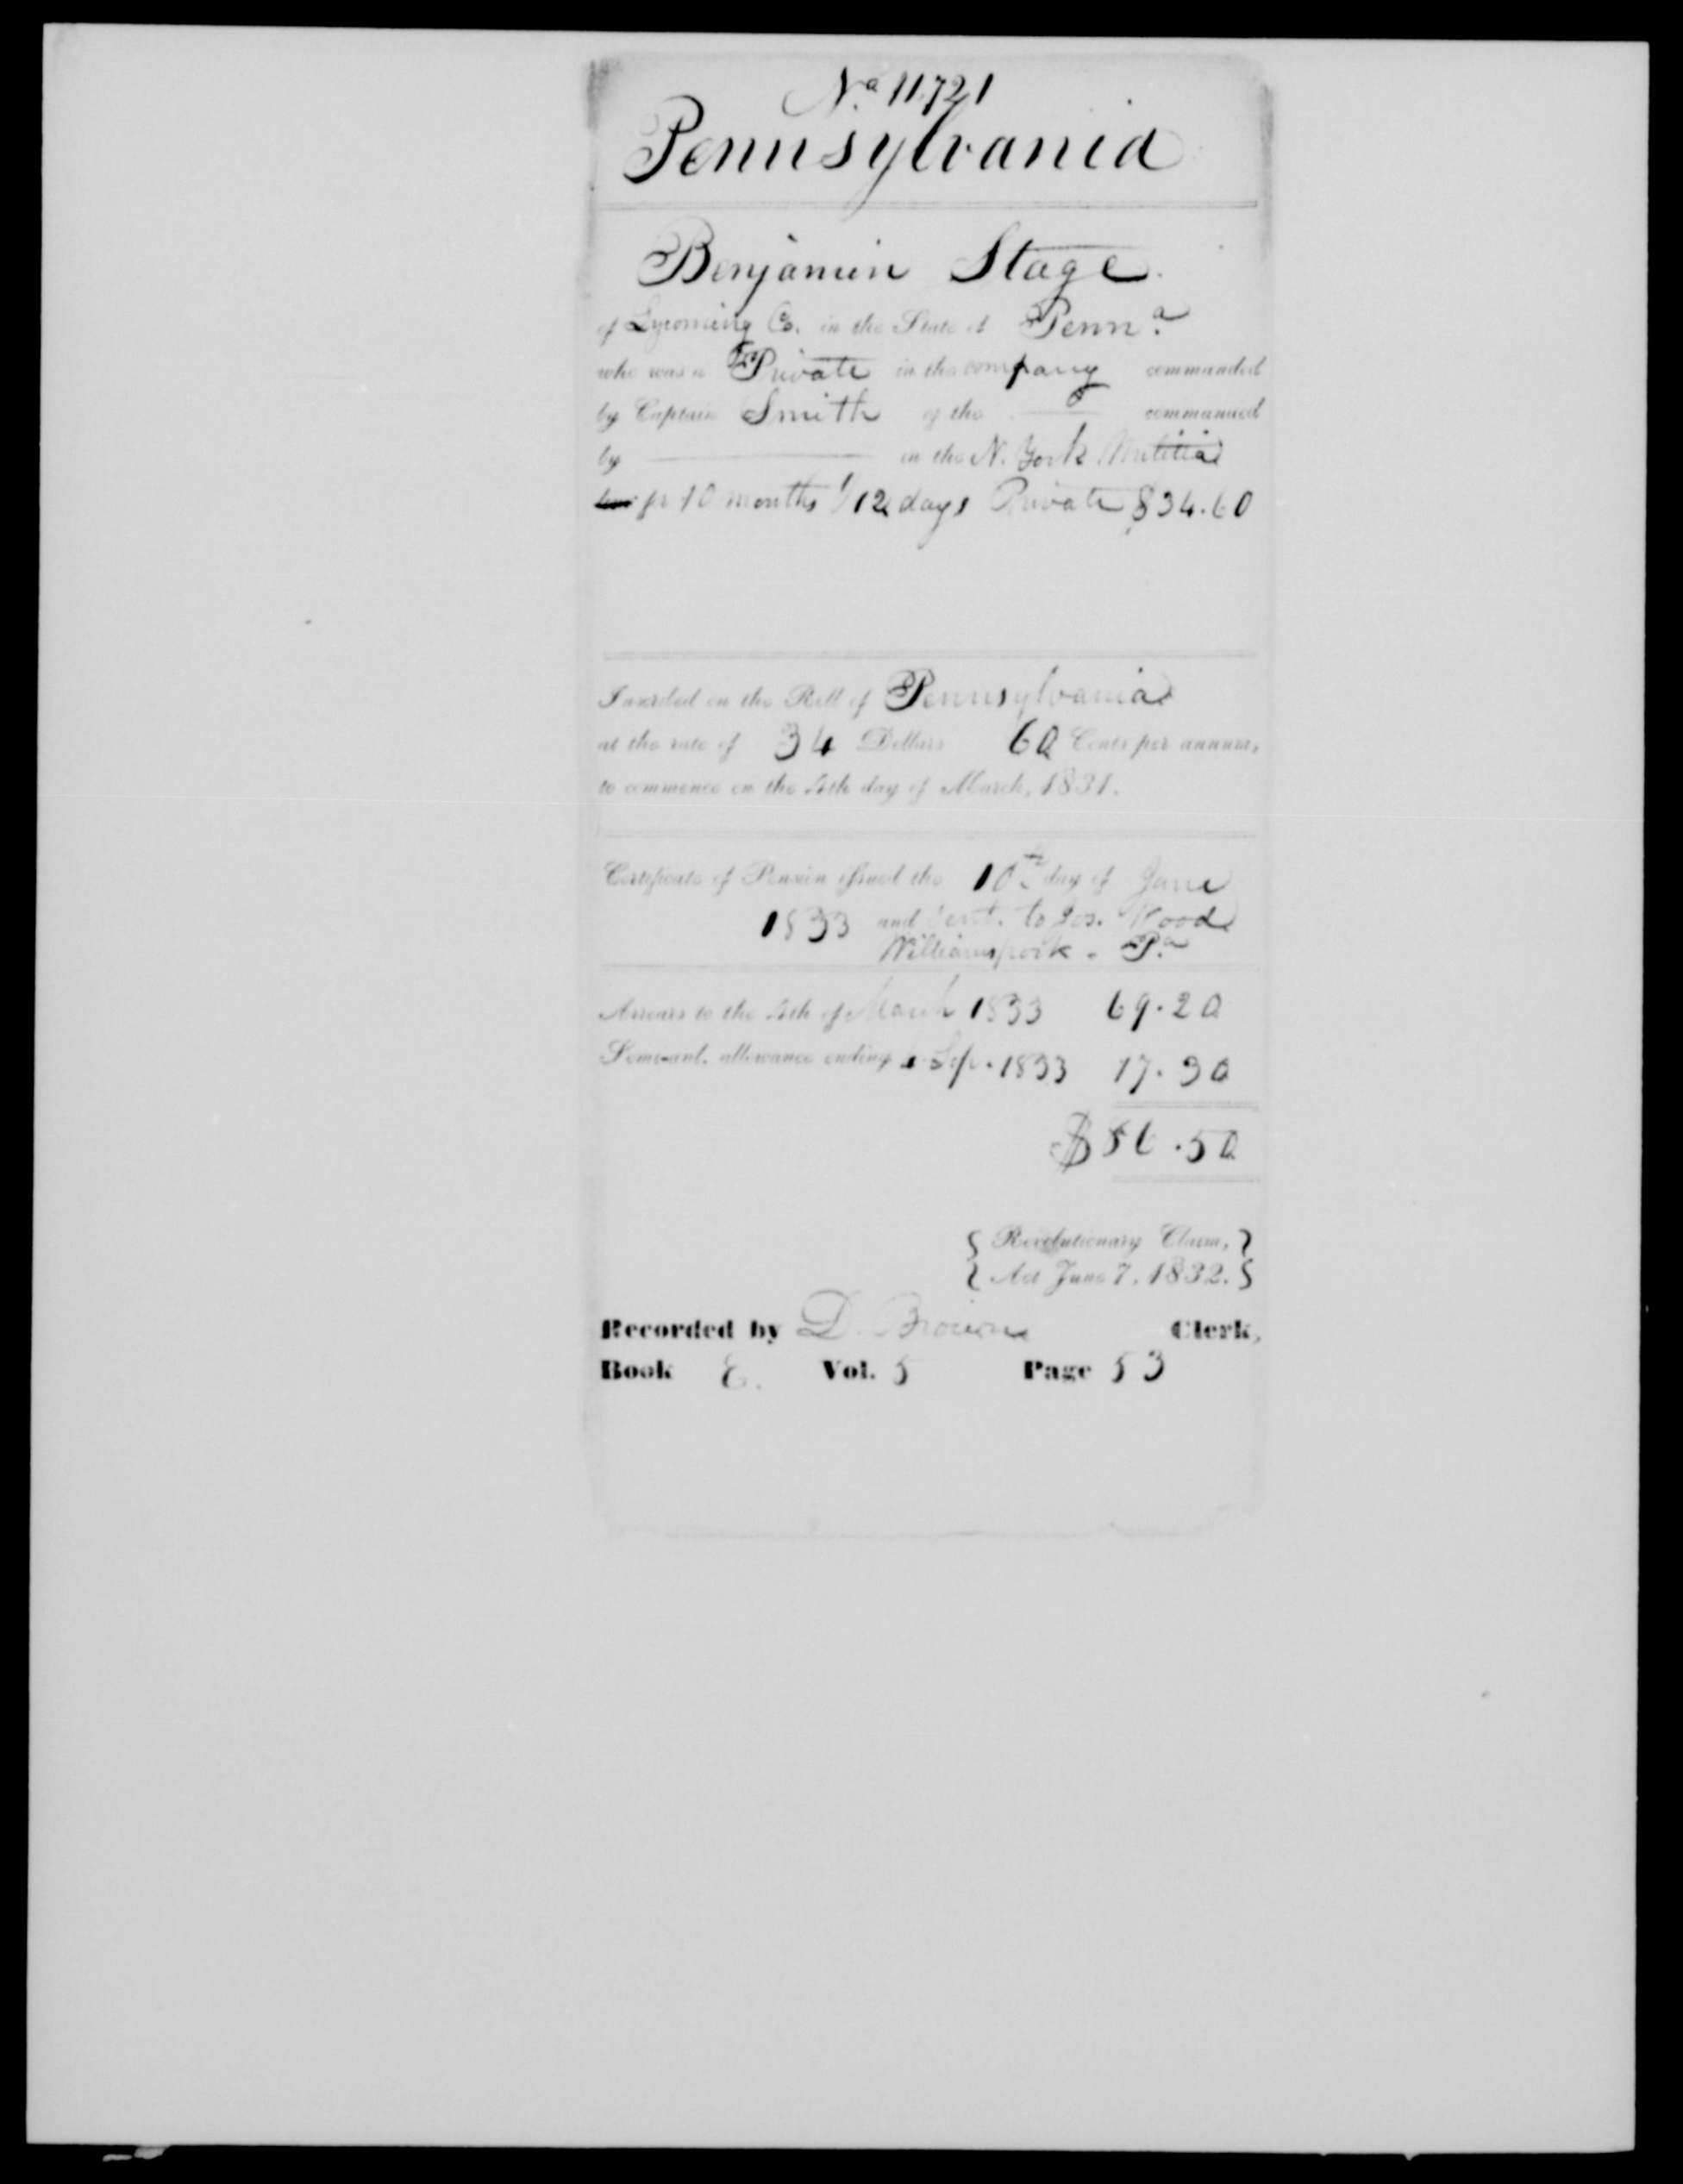No.11721
Pennsylvania
Benjamin Stage
of Lycoming Co, in the State of Penn.a
who was a {illegible} Private in the company commanded by Captain Smith of the [blank] commanded by [blank] in the N. York Militia for 10 months  [illegible] 12 days, Private $34.60

I awarded on the [illegible] of Pennsylvania at the rate of 34 Dollars  60 Cents per annum, to commence on the 4th day of March, 1831.

Certificate of Pension [illegible] the 10th day of June 1833 and sent to Jos. Wood.
Williamsport, Pa.

[illegible] to the 4th of March 1833  69.20
[illegible] allowance ending [illegible] Sep. 1833 17.30
$ 86.50

Revolutionary Claim,
Act June 7, 1832.

Recorded by D. Brown Clerk,
Book E.  Vol. 5  Page 53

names: Jos Wood; D Brown; Benjamin Stage; [BLANK] Smith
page: 2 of 23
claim: survivor's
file: S. 23008, for Benjamin Stage, New York